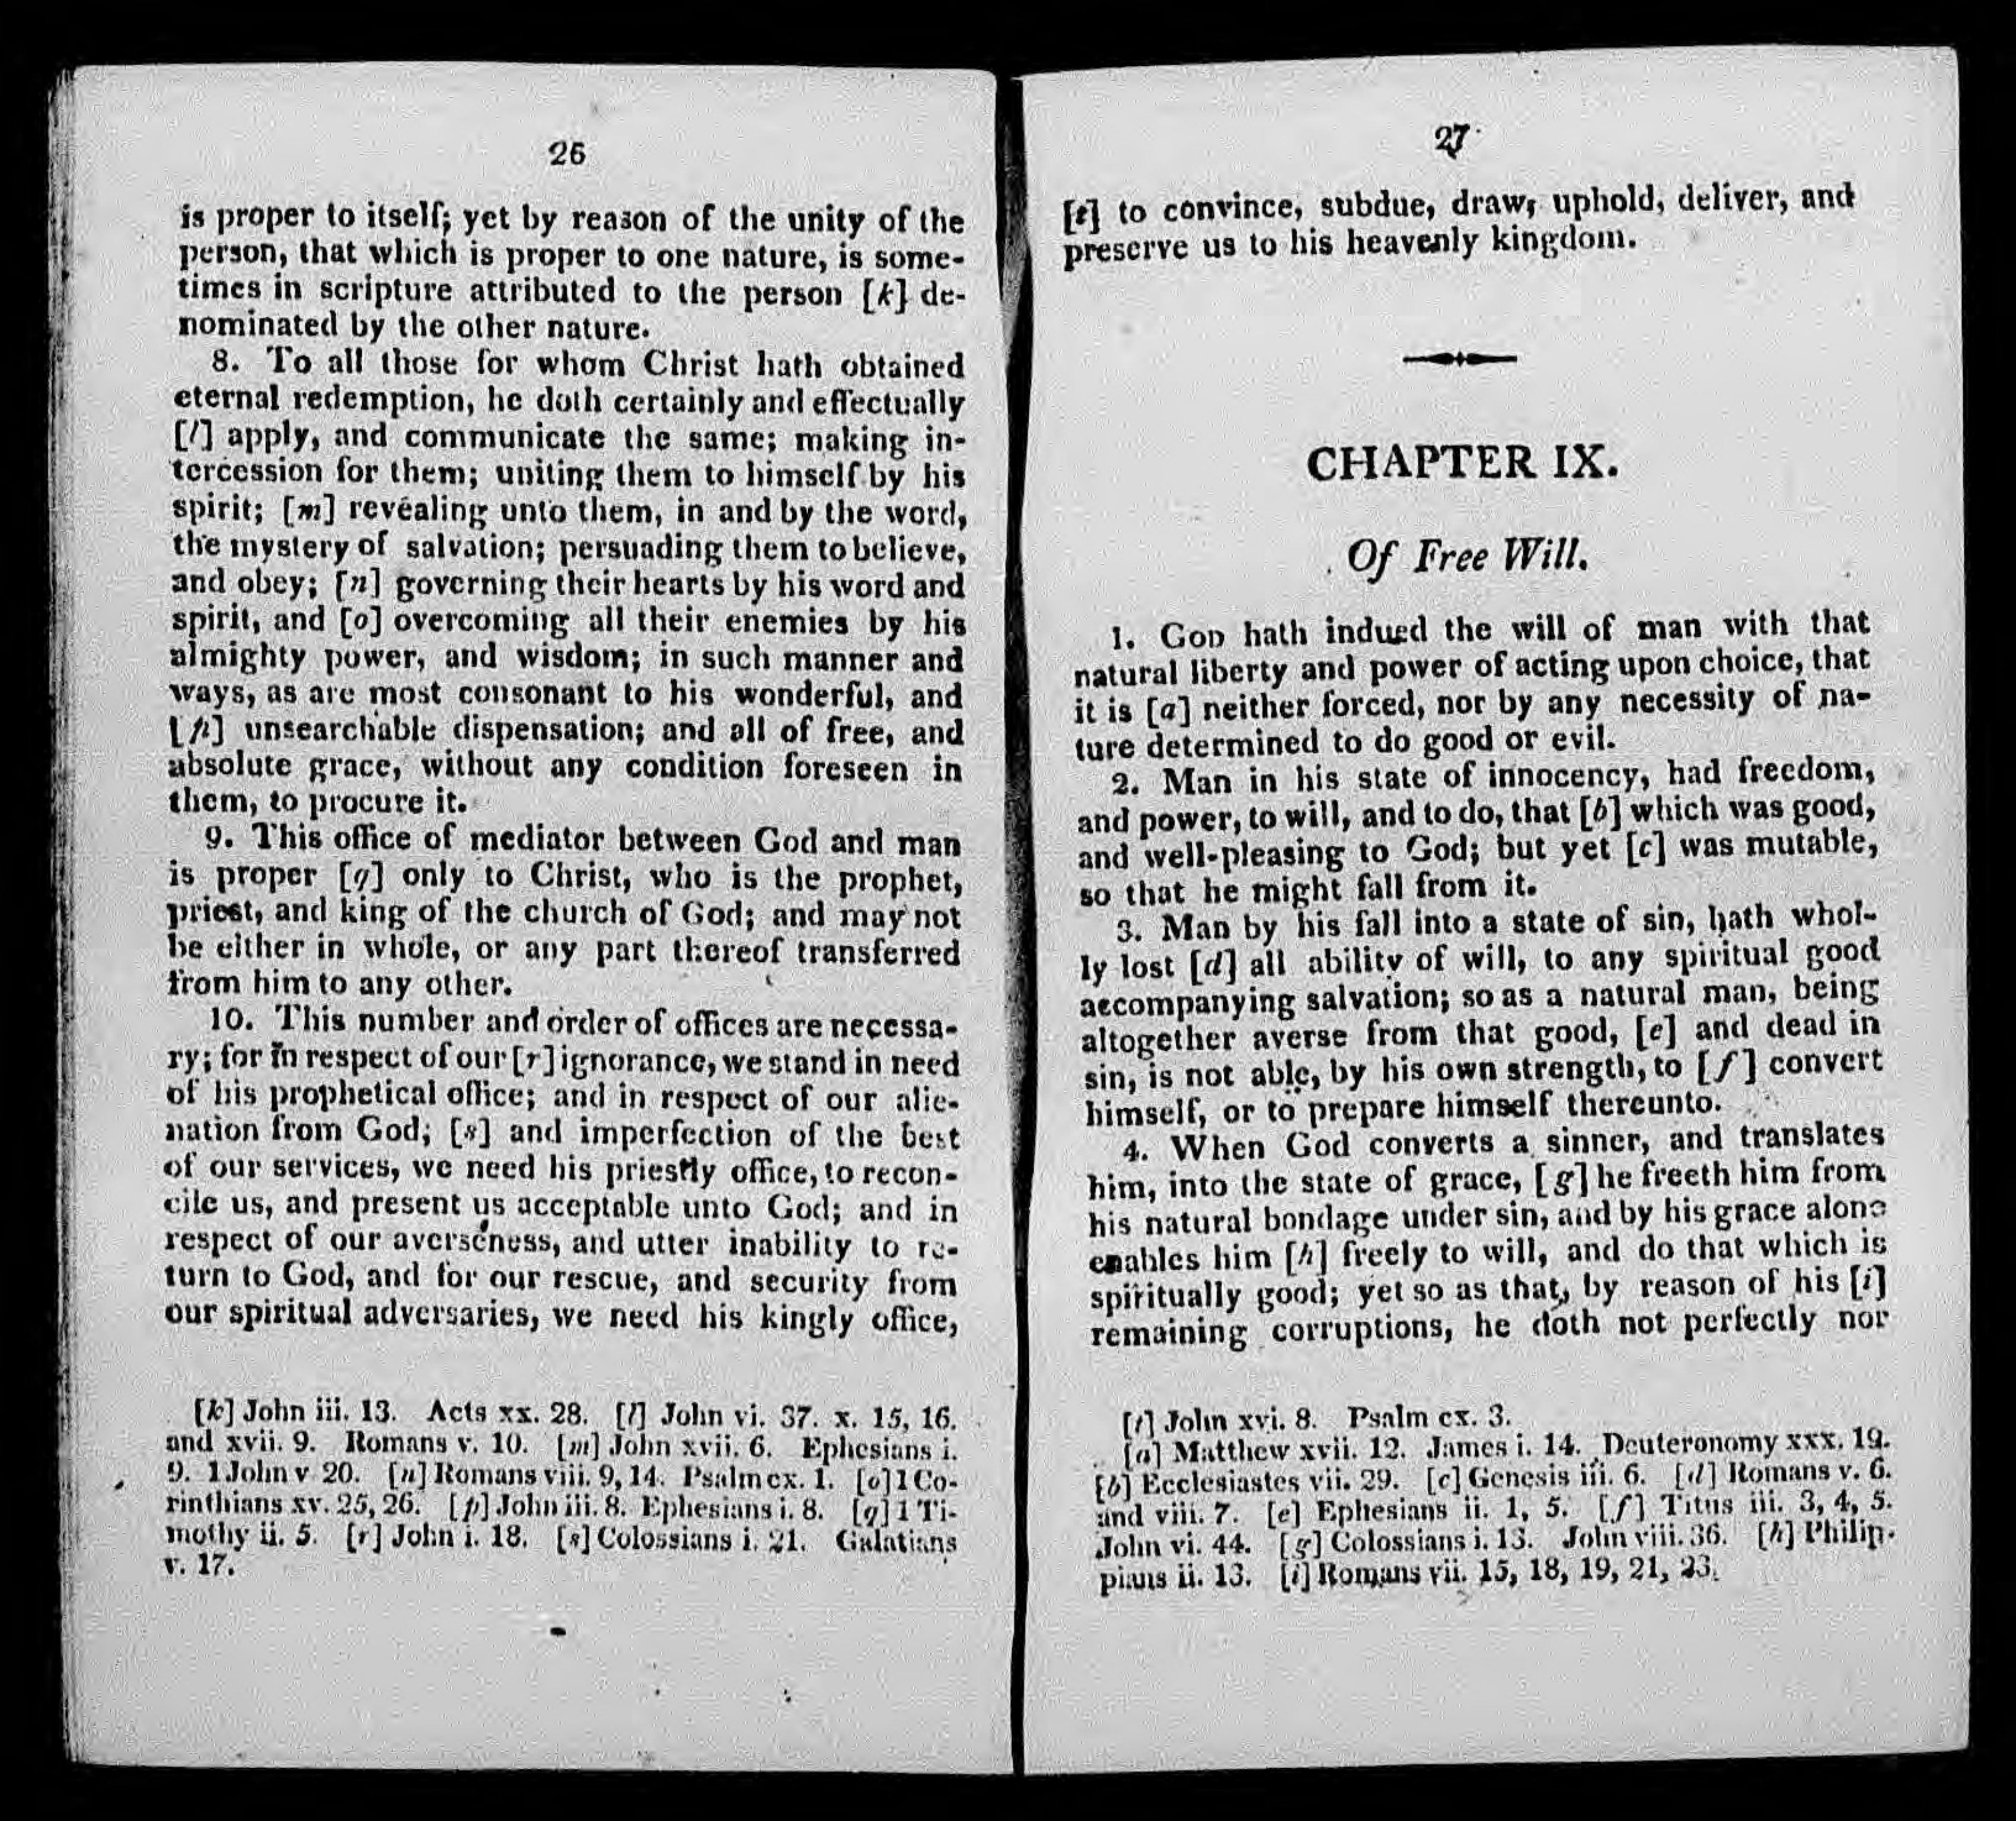26
is proper to itself, yet by reason of the unity of the person, that which is proper to one nature, is sometimes in scripture attributed to the person [k] denominated by the other nature.
8. To all those for whom Christ hath obtained
eternal redemption, he doth certainly and effectually [l] apply, and communicate the same; making intercession for them; uniting them to himself by his spirit; [m] revealing unto them, in and by the word, the mystery of salvation; persuading them to believe, and obey; [n] governing their hearts by his word and
spirit, and [o] overcoming all their enemies by his almighty power, and wisdom; in such manner and ways, as are most consonant to his wonderful, and [p] unsearchable dispensation; and all of free, and absolute grace, without any condition foreseen in them to procure it.
9. This office of mediator between God and man is proper [q] only to Christ, who is the prophet, priest, and king of the church of God; and may not be either in whole or any part thereof transferred from him to any other.
10. This number and order of offices are necessary; for in respect of our [r] ignorance, we stand in need of his prophetical office; and in respect of our alienation from God; [s] and imperfection of the best of our services, we need his priestly office, to reconcile us, and present us acceptable unto God; and in respect of our averseness, and utter inability to return
to God, and for our rescue, and security from
our spiritual adversaries, we need his kingly office,
[k] John iii. 13. Acts xx. 28. [l] John vi. 37. x. 15, 16. and xvii. 9. Romans v. 10. [m] John xvii. 6. Ephesians i. 9. John V. 20. [n] Romans viii. 9, 14. Psalmex. 1. [o] Corinthians xv. 25, 26 [p] John iii. 8. Ephesians 18 [q] Timothy ii. 5. [r] John i. 18. [s] Colossians i. 21. Galatians v. 17.
27
[t] to convince subdue, draw, uphold, deliver, and preserve us to his heavenly kingdom.
CHAPTER IX.
Of Free Will.
1. God hath indeed the will of man with that
natural liberty and power of acting upon choice, that it is [a] neither forced, nor by any necessity of nature determined to do good or evil.
2. Man in his state of innocency, had freedom,
and power, to will, and to do, that [b] which was good, and well-pleasing to God; but yet [c] was mutable, so that he might fall from it.
3. Man by his fall into a state of sin, bath wholly lost [d] all ability of will, to any spiritual good
accompanying salvation; so as a natural man, being altogether averse from that good, [e] and dead in sin, is not able, by his own strength to [f] convert himself, or to prepare himself thereunto.
4. When God converts a sinner, and translates
him into the state of grace, [g] he freeth him from his natural bondage under sin, and by his grace alone enables him [h] freely to will, and do that which is spiritually good; yet so as that, by reason of his [i] remaining corruptions, he doth not perfectly nor
[t] John xvi. 8. Psalm x 3. [a] Matthew xxvii. 12. James 1. 14. Deuteronomy XXX, 19. [b] Ecclesiastes vii. 29. [c] Genesis iii 6. [d] Romans v. 6. and viii. 7. [e] Ephesians ii. 1, 5 [f] Titus iii. 3, 4, 5. John vi. 44. [g] Colossians i. 13. John viii. 36. [h] Philippians ii. 13. [i] Romans vii, 15, 18, 19, 21, 23.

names: John, John, Timothy, James, Titus, John, John, John, Matthew, John, John, John, John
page: 25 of 98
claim: widow's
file: W. 8398, William Broadway, S.C.